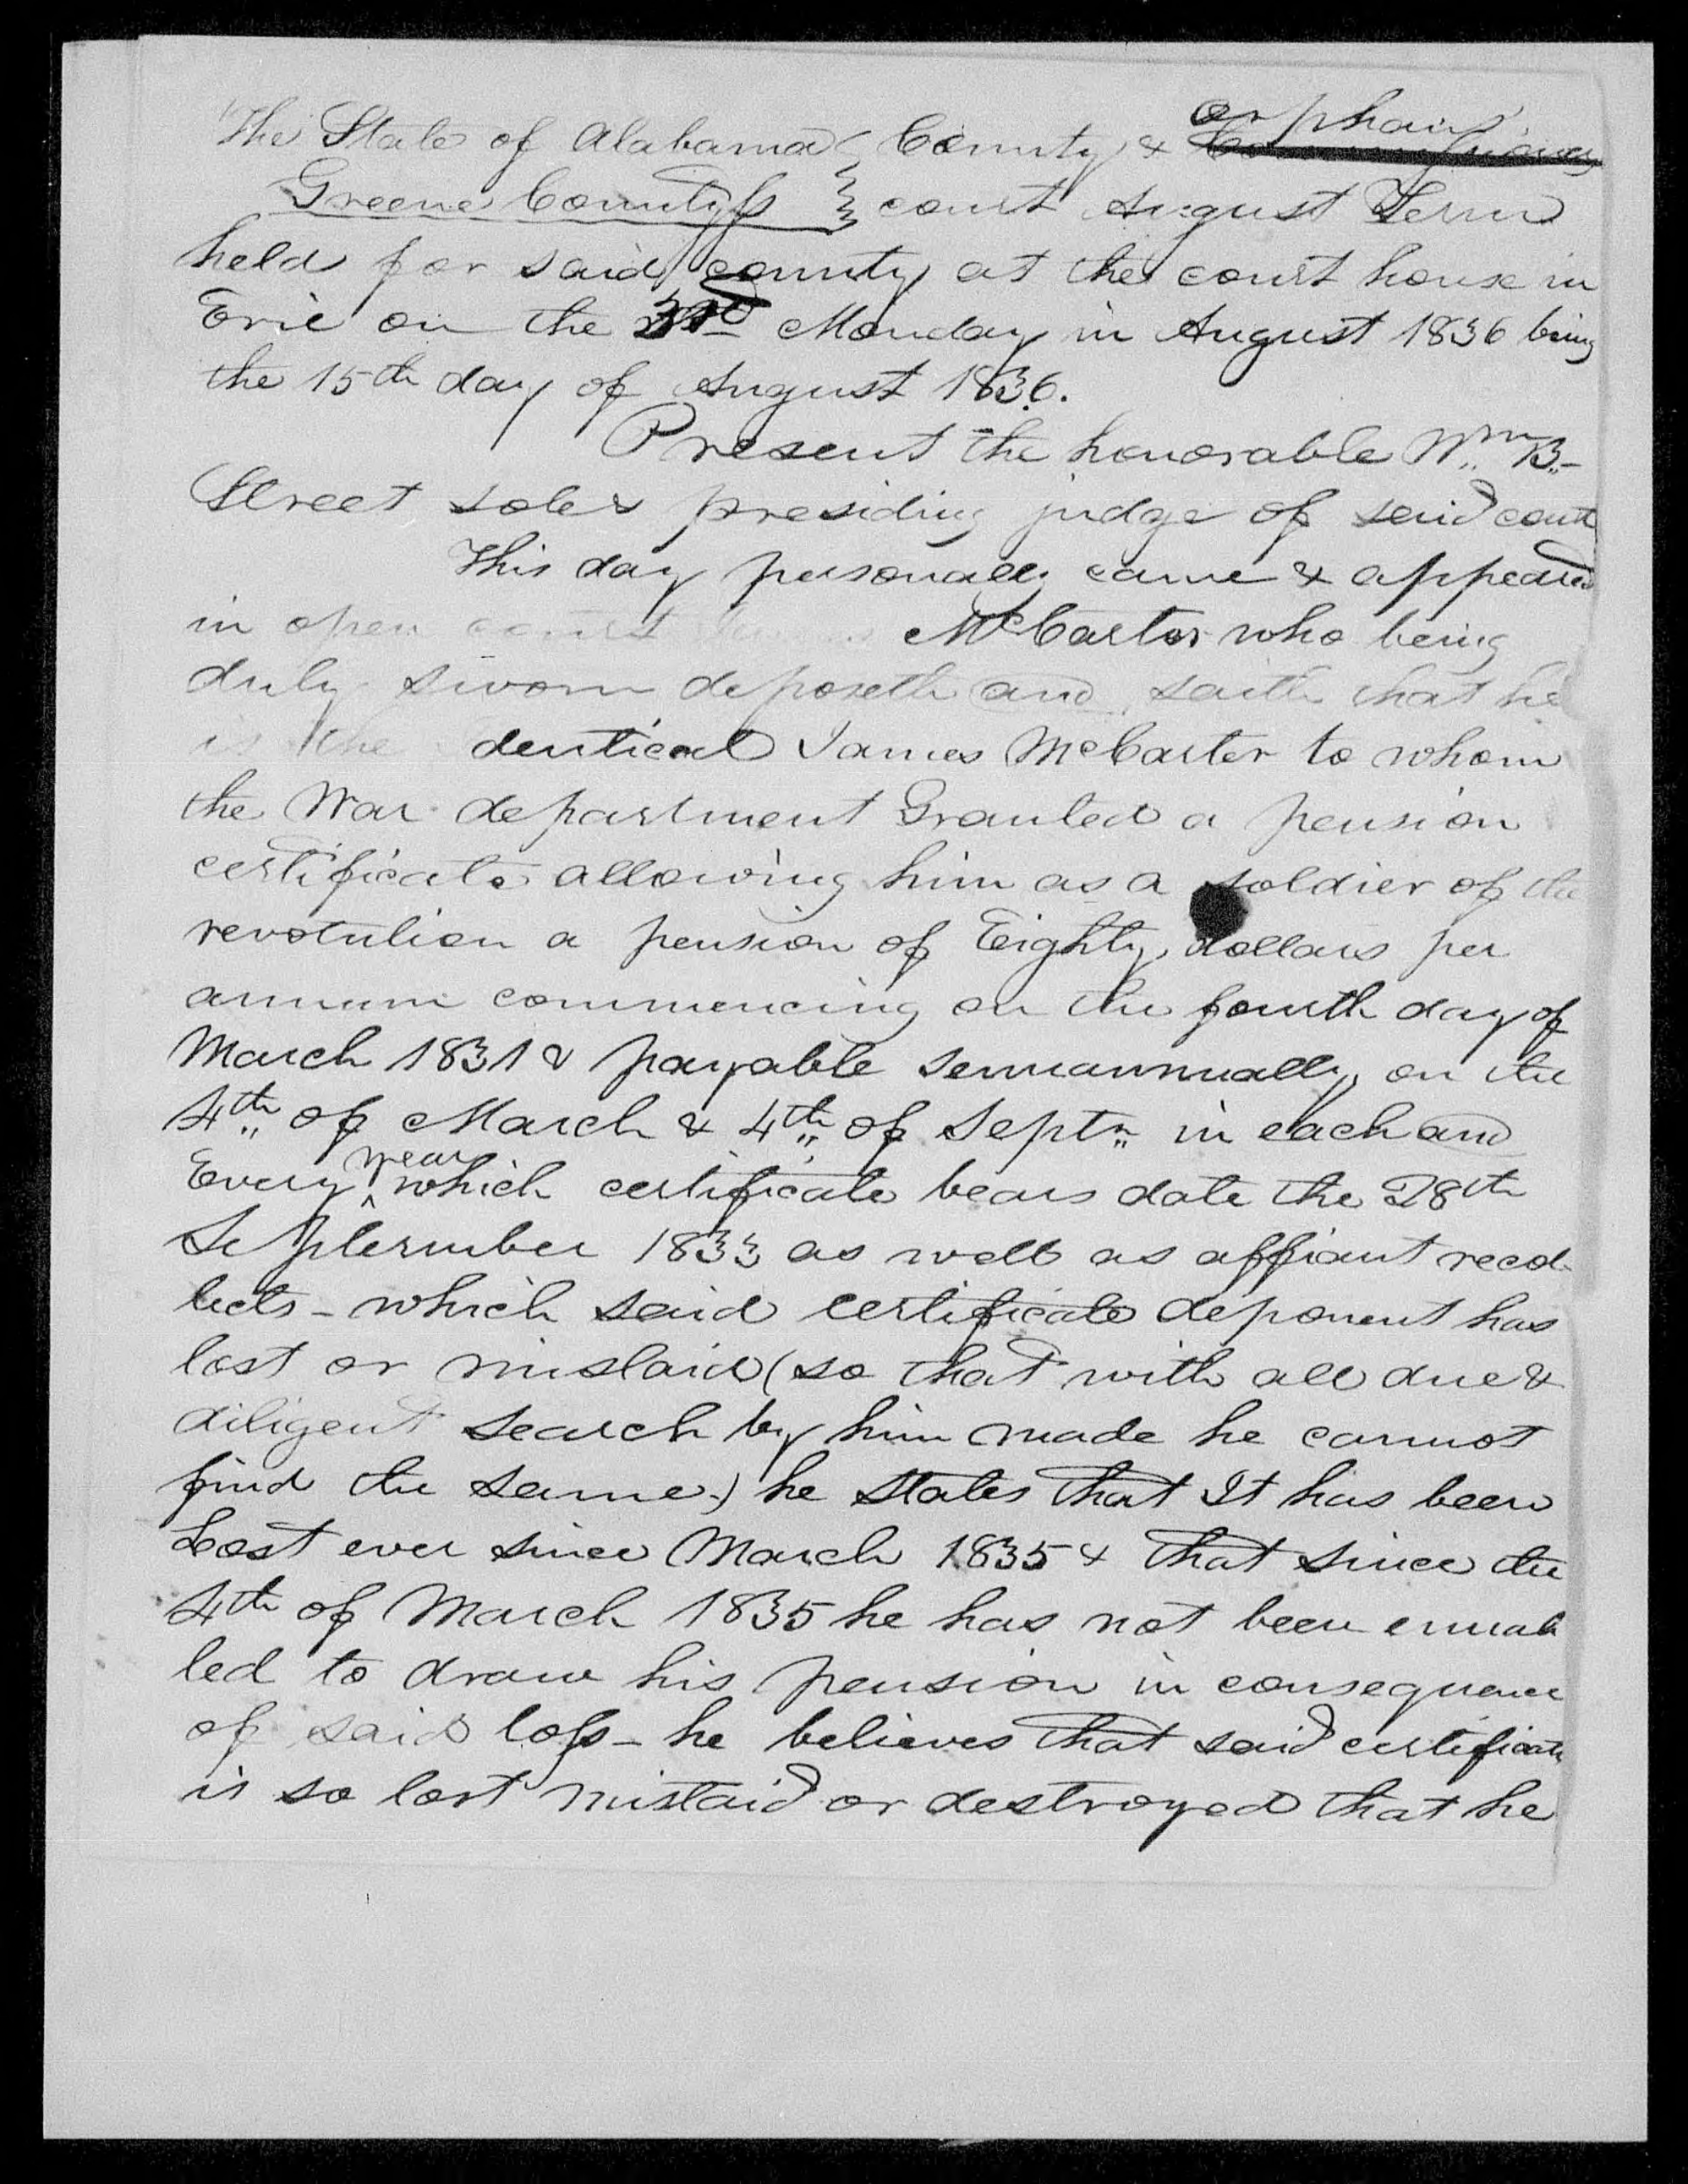The State of Alabama County + [illegible]
Greene County Ss Court August Term
held for said County at the court house in
Erie on the 3rd Monday in August 1836 being
the 15th day of August 1836.

Present the honorable Wm B. Street sole presiding Judge of said court This day personally came & appeared in open court James McCarter who being duly sworn deposeth and saith that he the identical James McCarter to whom the War department Granted a pension certificate allowing him as a soldier of the revolution a pension of Eighty dollars per annum commencing on the fourth day of March 1831 & payable semiannually on the 4th of March & 4th of Sept in each and
Every [inserted: year] which certificate bears date the 28th September 1833 as well as affiant recollects which said certificate deponent has lost or mislaid (so that with all due & diligent search by him made he cannot
find the same), he states that it has been
Lost ever since 4th of March 1835 + that since he has not been {illegible]led to draw his pension in consequence of said loss - he believes that said certificate is so lost mislaid or destroyed that he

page: 30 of 45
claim: survivor's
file: S. 13,890, for James Mc Carter, South Carolina